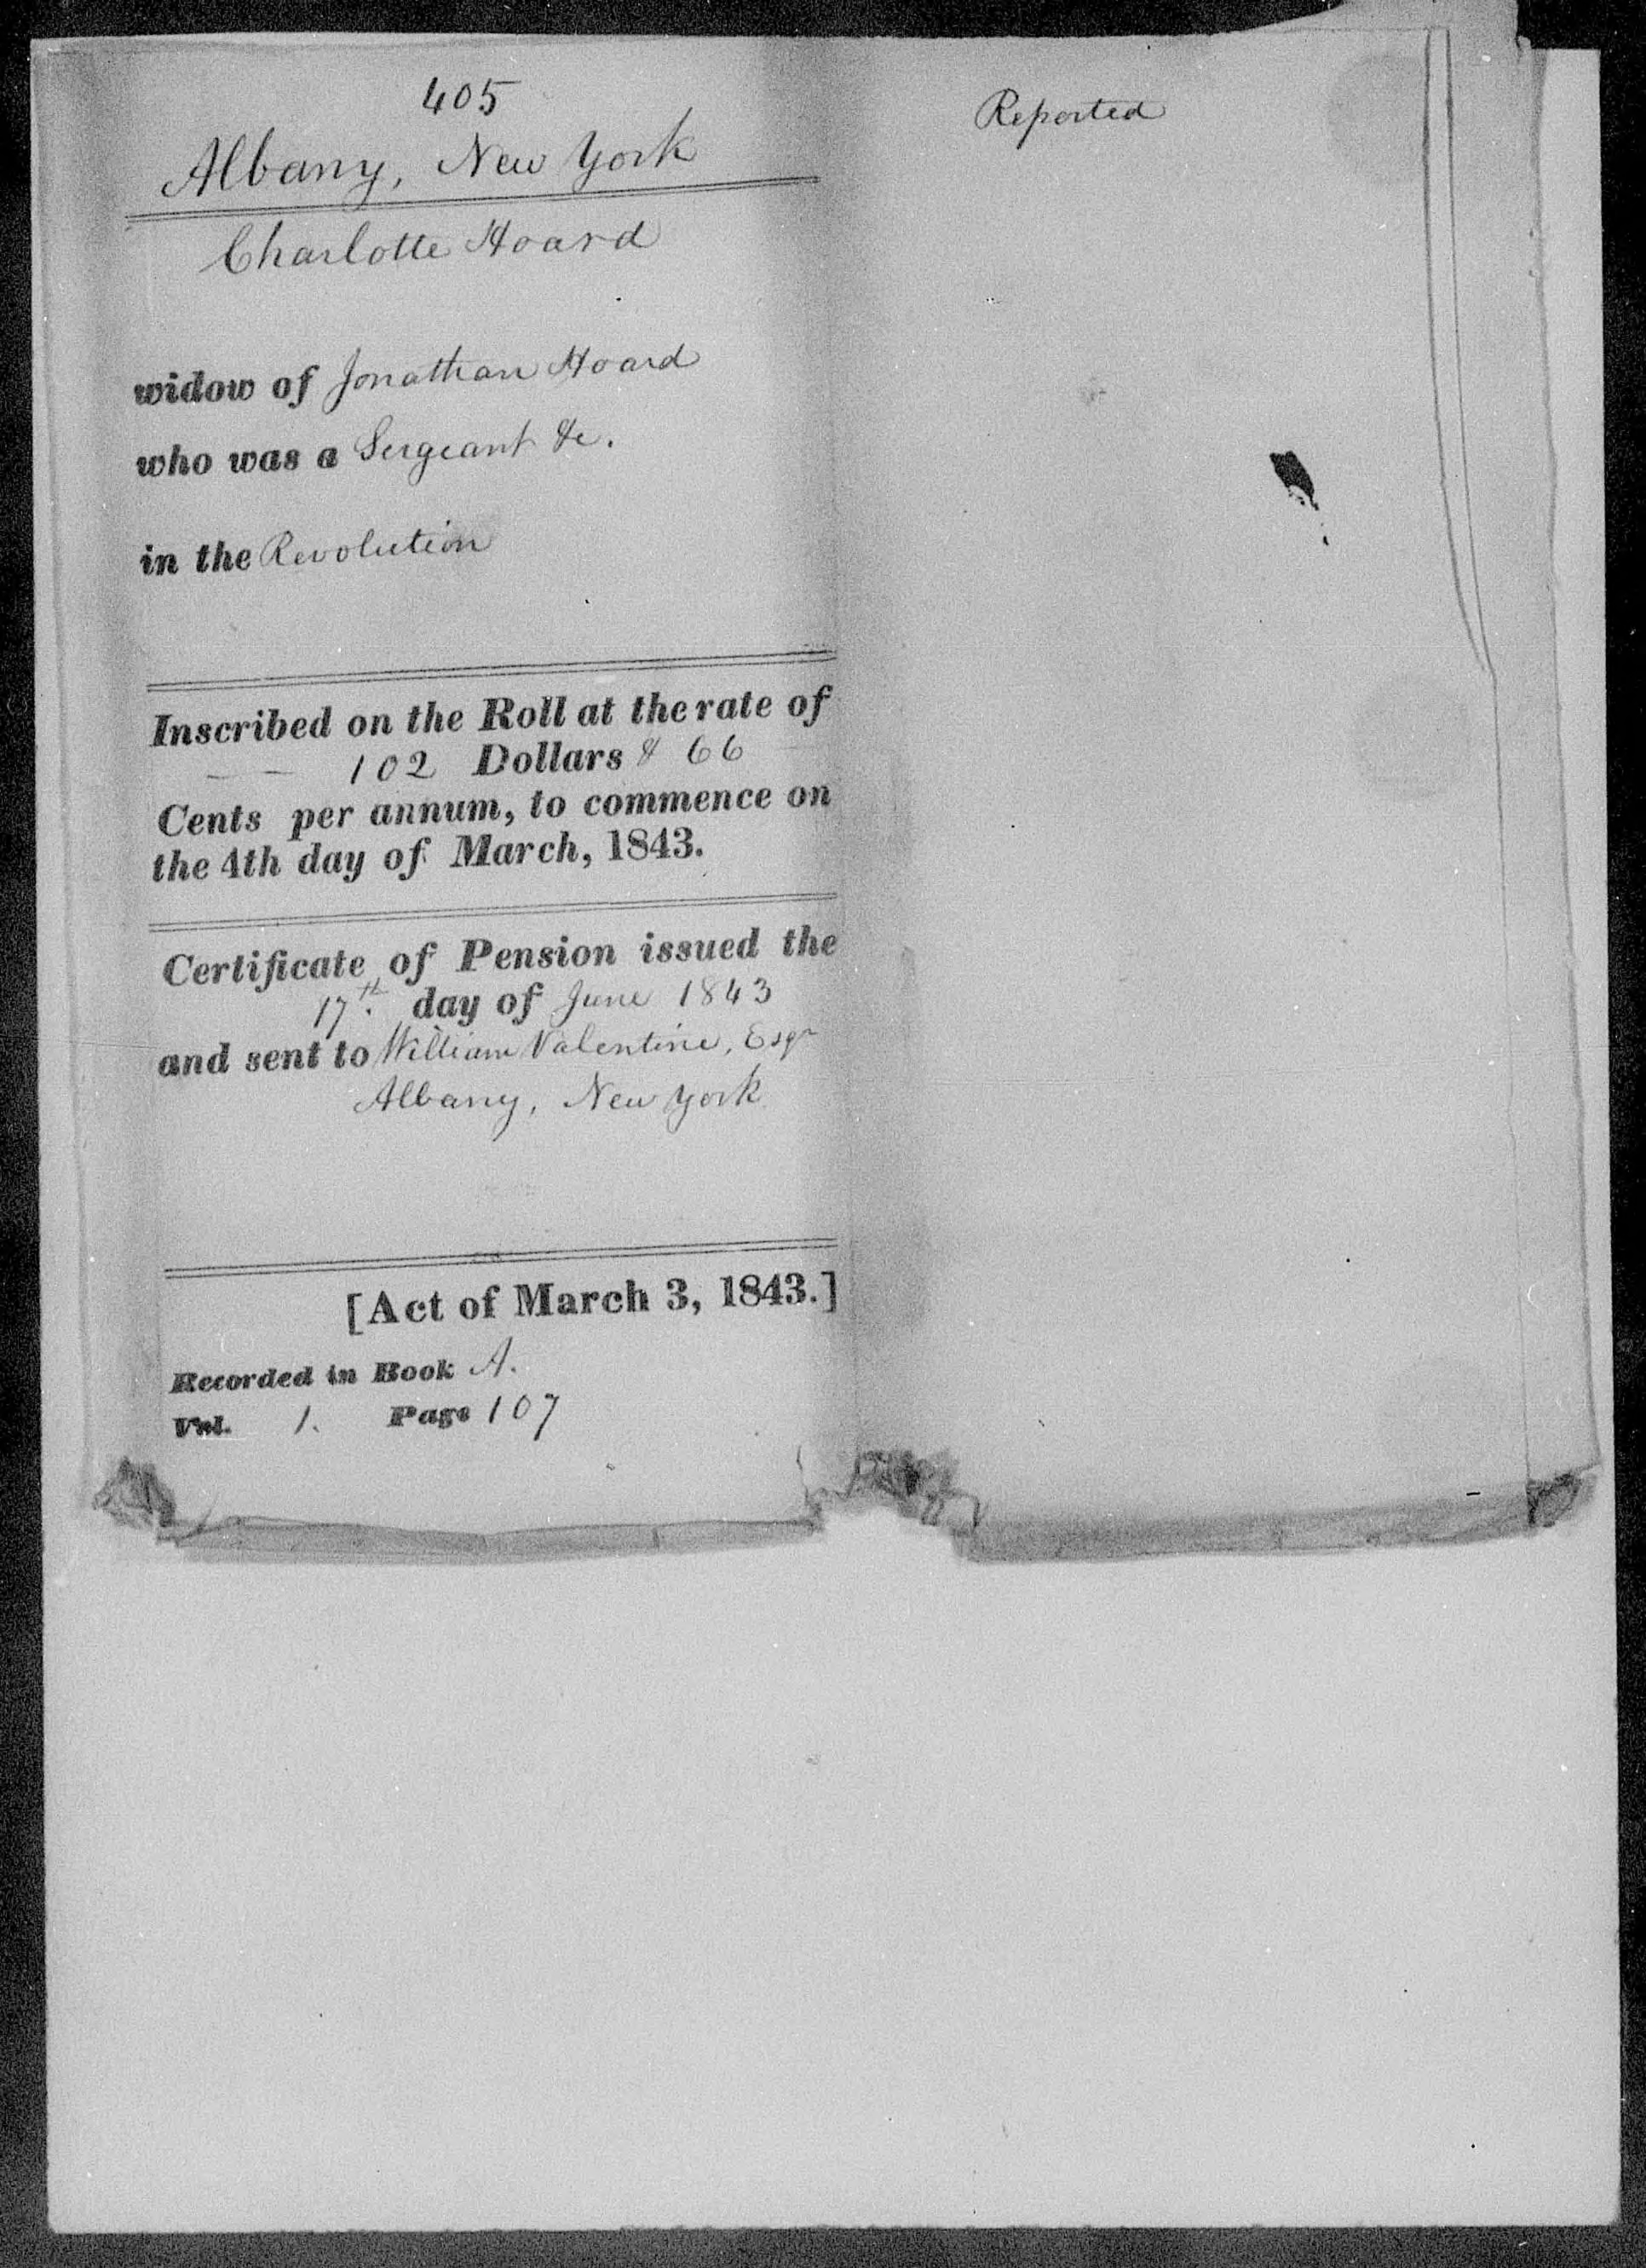405
Albany, New York
Charlotte Hoard
widow of Jonathan Hoard
who was a Sergeant &
in the Revolution

Inscribed on the Roll at the Rate of 102 Dollars & 66 Cents per annum, to commence on the 4th day of March, 1843.

Certificate of Pension issued the 17th day of June 1843 and sent to William Valentine, Esqr.
Albany, New York

[Act of March 3, 1843.]
Recorded in Book A.
Vol. 1 Page 107

Reported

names: William Valentine, Jonathan Hoard, Charlotte Hoard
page: 20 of 52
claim: widow's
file: W 19755, Jonathan Hoard, Mass.